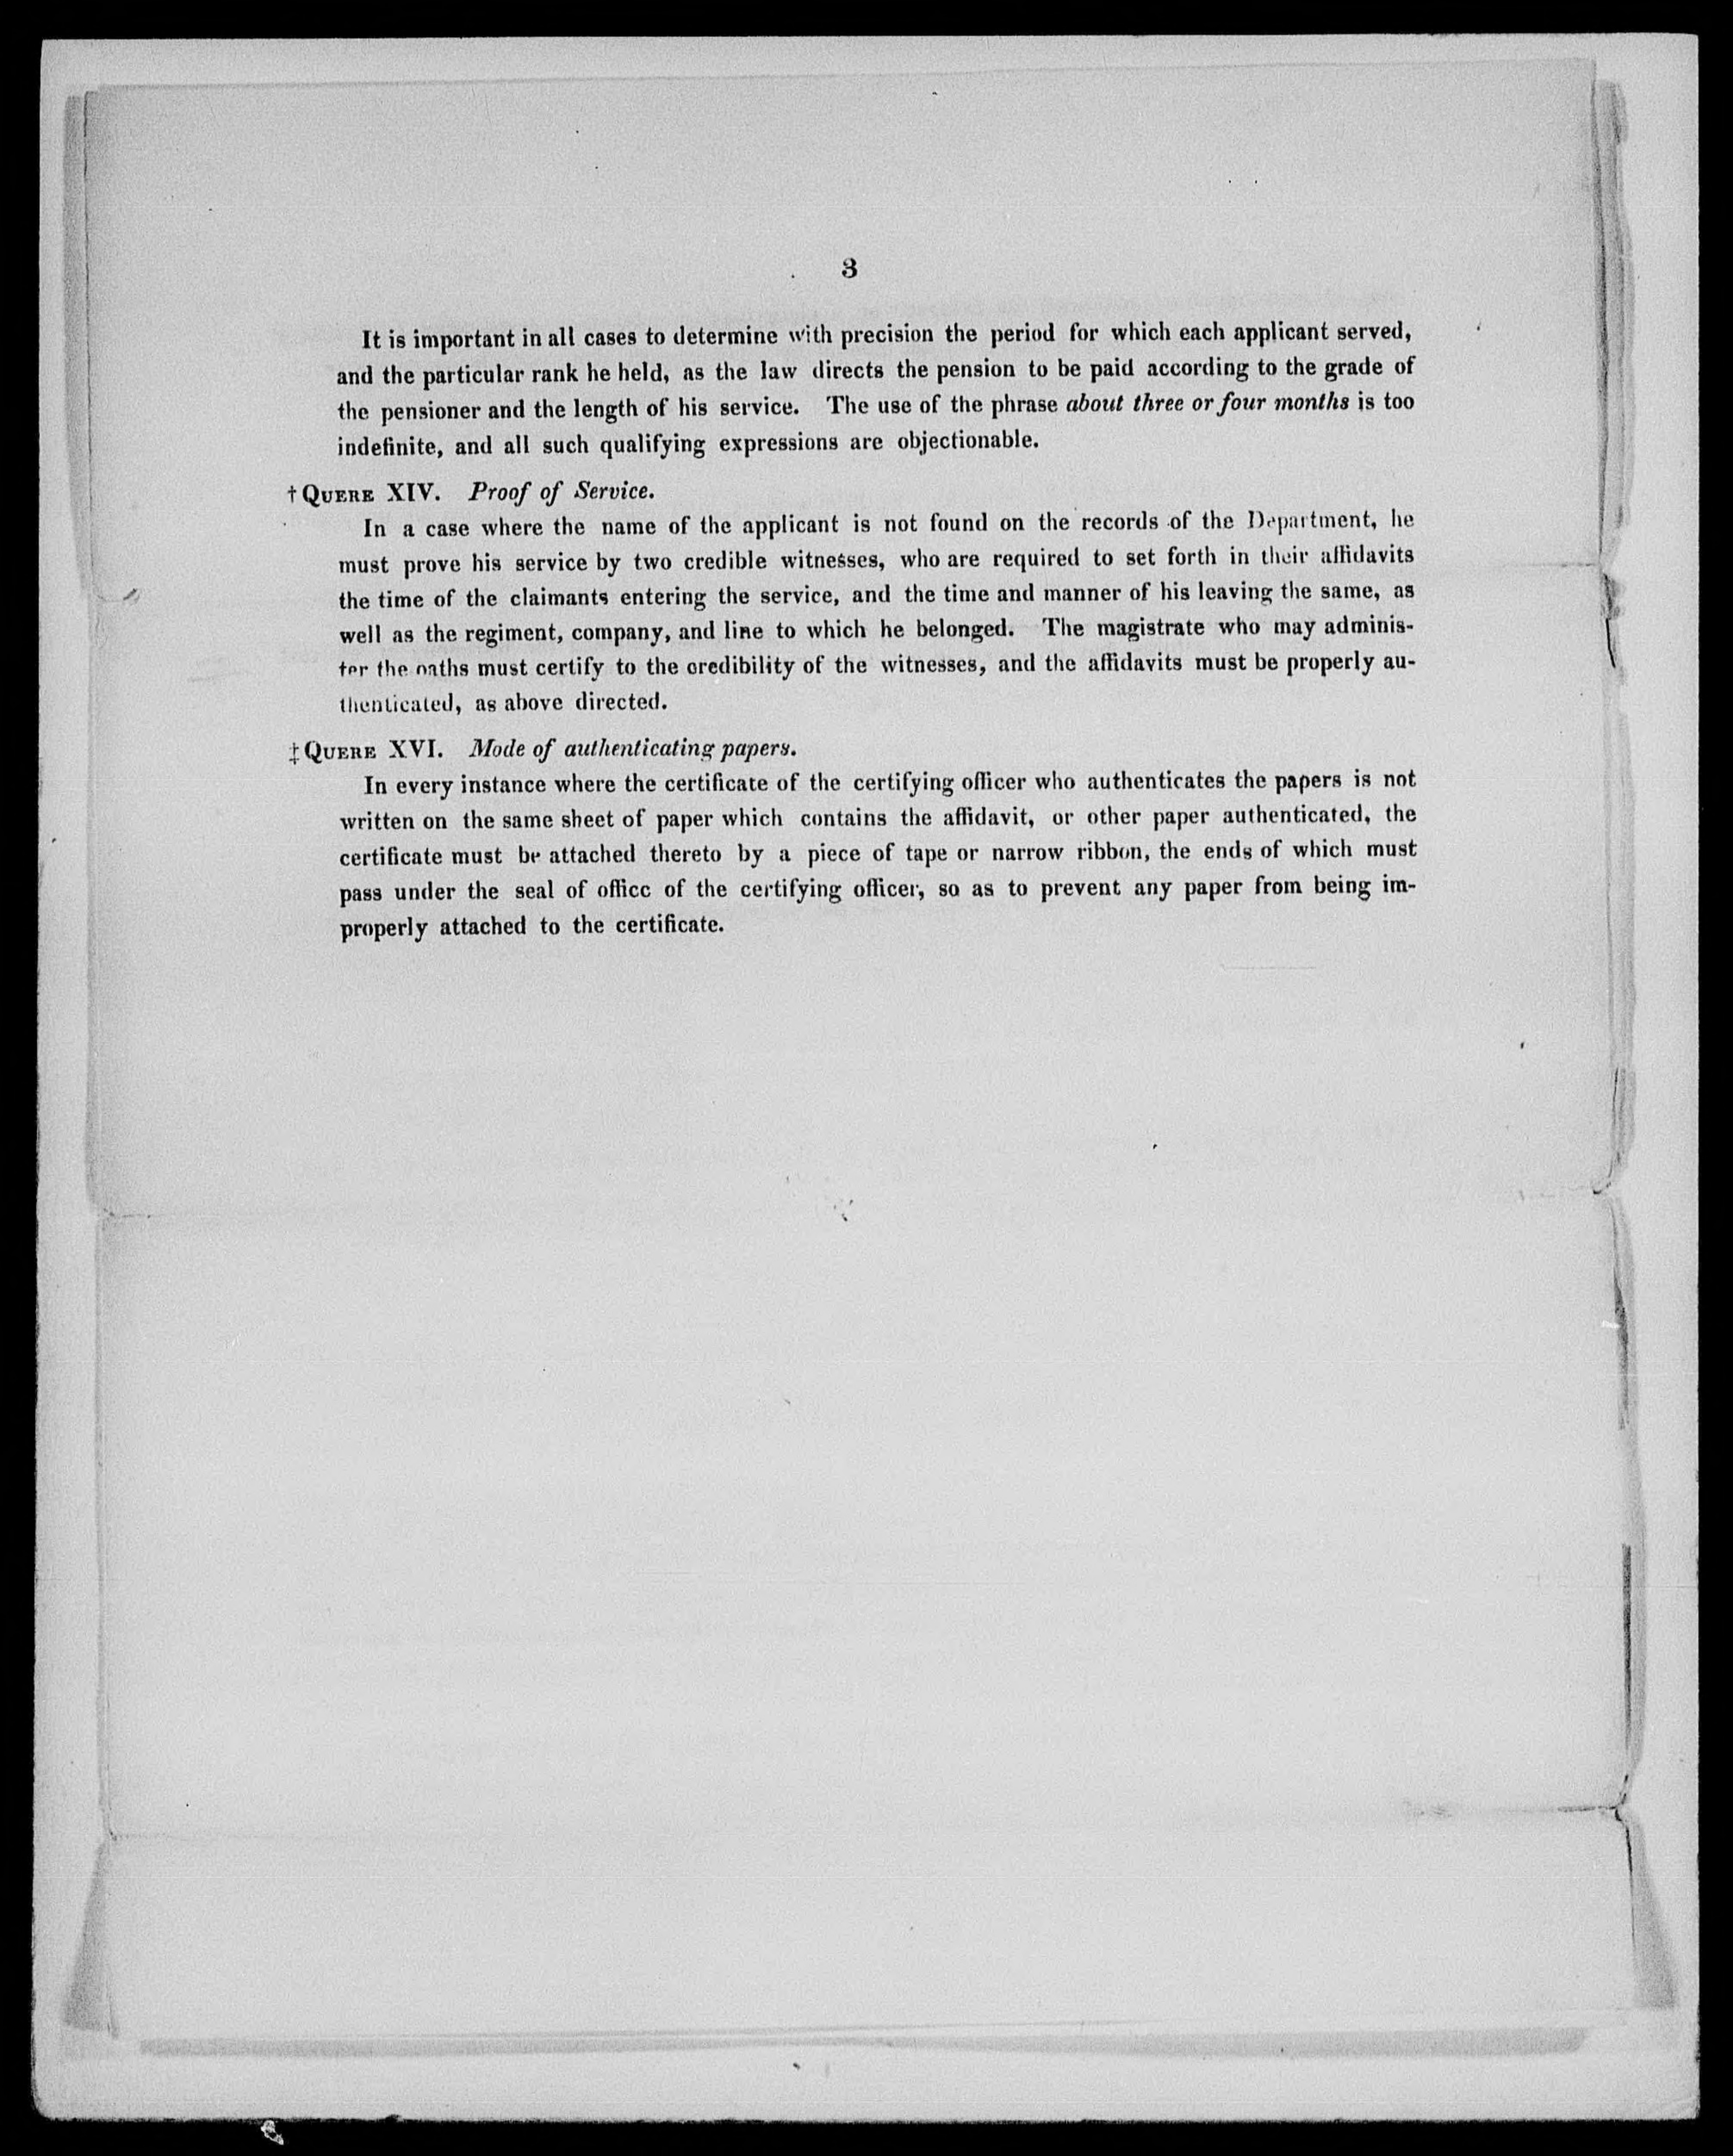3

It is important in all cases to determine with precision for which each applicant served, and the particular rank he held, as the law directs the pension to be paid according to the grade of the pensioner and the length of his service. The use of the phrase about three or four months is too indefinite, and all such qualifying expressions are objectionable. 

[dagger symbol] QUERE XIV. Proof of Service. 
In a case where the name of the applicant is not found on the records of the Department, he must prove his service by two credible witnesses, who are required to set forth in their affidavits the time of the claimants entering the service, and the time and manner of his leaving the same, as well as the regiment, company, and line to which he belonged. The magistrate who may administer the oaths must certify to the credibility of the witnesses, and the affidavits must be properly authenticated, as above directed. 

[double dagger symbol] QUERE XVI. Mode of authenticating papers. 
In every instance where the certificate of the certifying officer who authenticates the papers is not written on the same sheet of paper which contains the affidavit, or other paper authenticated, the certificate must be attached thereto by a piece of tape or narrow ribbon, the ends of which must pass under the seal of office of the certifying officer, so as to prevent any paper from being improperly attached to the certificate.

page: 14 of 16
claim: rejected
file: R. 5634, for John Johnson, Virginia